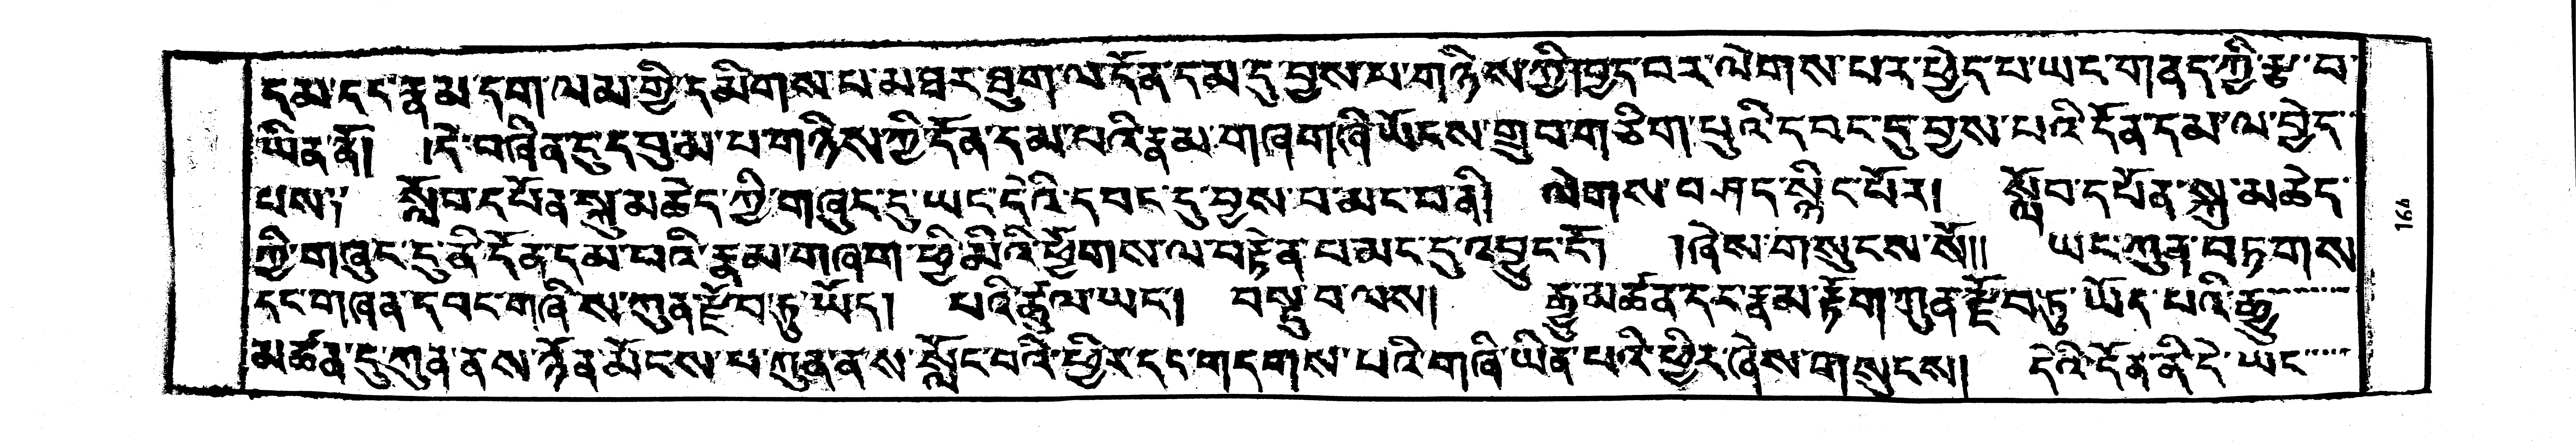དམ་དང་རྣམ་དག་ལམ་གྱི་དམིགས་པ་མཐར་ཐུག་ལ་དོན་དམ་དུ་བྱས་པ་གཉིས་ཀྱི་ཁྱད་པར་ལེགས་པར་ཕྱེད་པ་ཡང་གནད་ཀྱི་རྩ་བ་
ཡིན་ནོ། །དེ་བཞིན་དུ་དབུ་མ་པ་གཉིས་ཀྱི་དོན་དམ་པའི་རྣམ་གཞག་ཞི་ཡོངས་གྲུབ་གཅིག་པུའི་དབང་དུ་བྱས་པའི་དོན་དམ་ལ་བྱེད་
པས། སློབ་དཔོན་སྐུ་མཆེད་ཀྱི་གཞུང་དུ་ཡང་དེའི་དབང་དུ་བྱས་པ་མང་བ་ནི། ལེགས་བཤད་སྙིང་པོར། སློབ་དཔོན་སྐུ་མཆེད་
ཀྱི་གཞུང་དུ་ནི་དོན་དམ་པའི་རྣམ་གཞག་ཕྱི་མིའི་ཕྱོགས་ལ་བརྟེན་པ་མང་དུ་འབྱུང་ངོ། །ཞེས་གསུངས་སོ། །ཡང་ཀུན་བཏགས་
དང་གཞན་དབང་གཞི་ས་ཀུན་རྫོབ་ཏུ་ཡོད། པའི་ཚུལ་ཡང་། བསྡུ་བ་ལས། རྒྱུ་མཚན་དང་རྣམ་རྟོག་ཀུན་རྫོབ་ཏུ་ཡོད་པའི་རྒྱུ་
མཚན་དུ་ཀུན་ནས་ཉོན་མོངས་པ་ཀུན་ནས་སློང་བའི་ཕྱིར་དང་གདགས་པའི་གཞི་ཡིན་པའི་ཕྱིར་ཞེས་གསུངས། དེའི་དོན་ནི་དེ་ཡང་